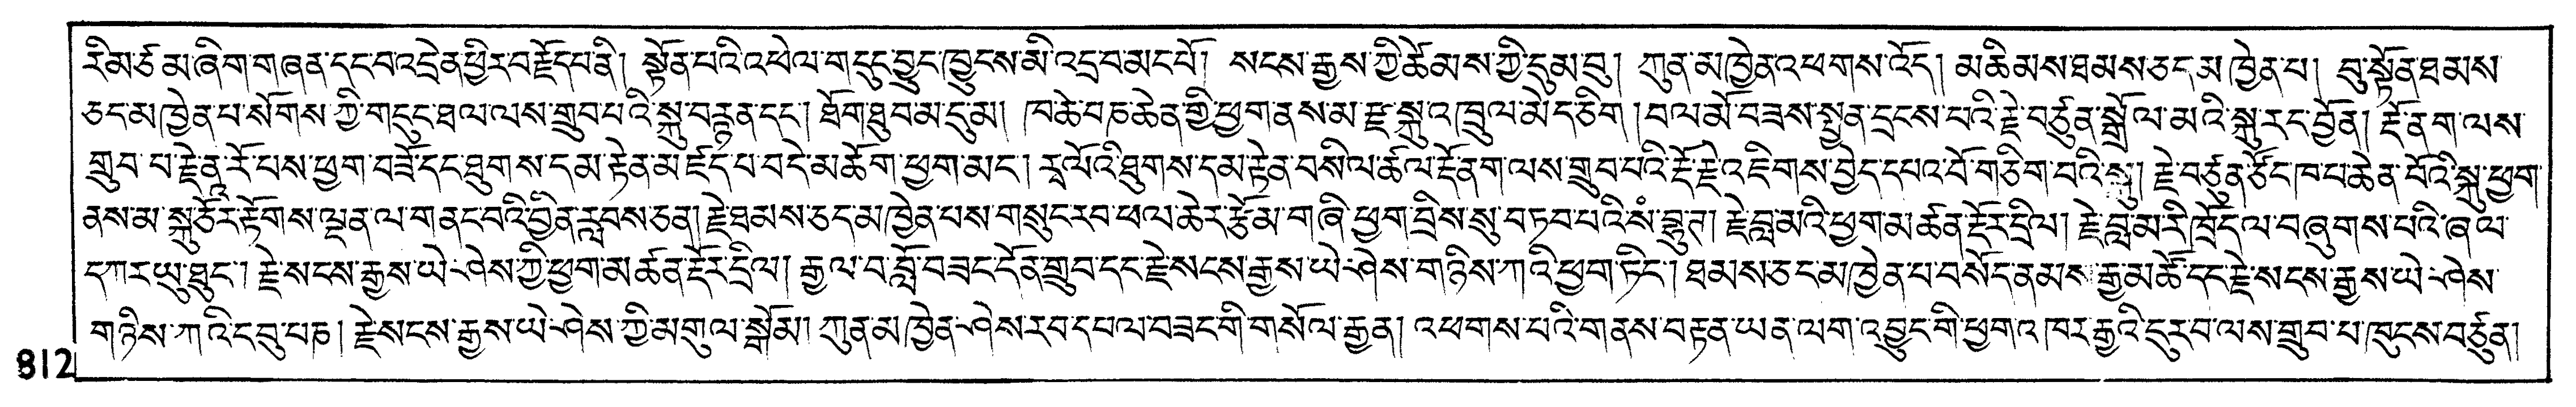རིམ་ཙམ་ཞིག་གཞན་དང་བ་འདྲེན་ཕྱིར་བརྗོད་པ་ནི། སྟོན་པའི་འཕེལ་གདུང་བྱུང་ཁྱུངས་མི་འདྲ་བ་མང་པོ། སངས་རྒྱས་ཀྱི་ཚེམས་ཀྱི་དུམ་བུ། ཀུན་མཁྱེན་འཕགས་འོད། མཆིམས་ཐམས་ཅད་མཁྱེན་པ། བུ་སྟོན་ཐམས་
ཅད་མཁྱེན་པ་སོགས་ཀྱི་གདུང་ཐལ་ལས་གྲུབ་པའི་སྐུ་བརྙན་དང་། ཐོག་ཐུབ་མ་དུ་མ། ཁ་ཆེ་པཎ་ཆེན་གྱི་ཕྱག་ནས་མ་རྫ་སྐུ་འཁྲུལ་མེད་ཅིག །བལ་མོ་བཟས་སྤྱན་དྲངས་པའི་རྗེ་བཙུན་སྒྲོལ་མའི་སྐུ་རང་བྱོན། རྡོ་ནག་ལས་
གྲུབ་པ་རྗེ་ནཱ་རོ་པས་ཕྱག་བཟོ་དང་ཐུགས་དམ་རྟེན་མཛད་པ་བདེ་མཆོག་ཕྱག་མང་། རྭ་ལོའི་ཐུགས་དམ་རྟེན་བསིལ་ཚལ་རྡོ་ནག་ལས་གྲུབ་པའི་རྡོ་རྗེ་འཇིགས་བྱེད་དཔའ་བོ་གཅིག་པའི་སྐུ། རྗེ་བཙུན་ཙོང་ཁ་པ་ཆེན་པོའི་སྐུ་ཕྱག་
ནས་མ་སྐུ་ཅོར་རྟོགས་ལྡན་ལ་གནང་བའི་བྱིན་རླབས་ཅན། རྗེ་ཐམས་ཅད་མཁྱེན་པས་གསུང་རབ་ཕལ་ཆེར་རྩོམ་གཞི་ཕྱག་བྲིས་སུ་བཏབ་པའི་སཾ་བྷུ་ཊ། རྗེ་བླ་མའི་ཕྱག་མཚན་རྡོར་དྲིལ། རྗེ་བླ་མ་རི་ཁྲོད་ལ་བཞུགས་པའི་ཞལ་
དཀར་ཡུ་ཐུང་། རྗེ་སངས་རྒྱས་ཡེ་ཤེས་ཀྱི་ཕྱག་མཚན་རྡོར་དྲིལ། རྒྱལ་བ་བློ་བཟང་དོན་གྲུབ་དང་རྗེ་སངས་རྒྱས་ཡེ་ཤེས་གཉིས་ཀའི་ཕྱག་ཏིང་། ཐམས་ཅད་མཁྱེན་པ་བསོད་ནམས་རྒྱ་མཚོ་དང་རྗེ་སངས་རྒྱས་ཡེ་ཤེས་
གཉིས་ཀའི་དབུ་པཎ། རྗེ་སངས་རྒྱས་ཡེ་ཤེས་ཀྱི་མགུལ་སྒོམ། ཀུན་མཁྱེན་ཤེས་རབ་དཔལ་བཟང་གི་གསོལ་རྒྱན། འཕགས་པའི་གནས་བརྟན་ཡན་ལག་འབྱུང་གི་ཕྱག་འཁར་རྒྱའི་ངུར་བ་ལས་གྲུབ་པ་ཁུངས་བཙུན།